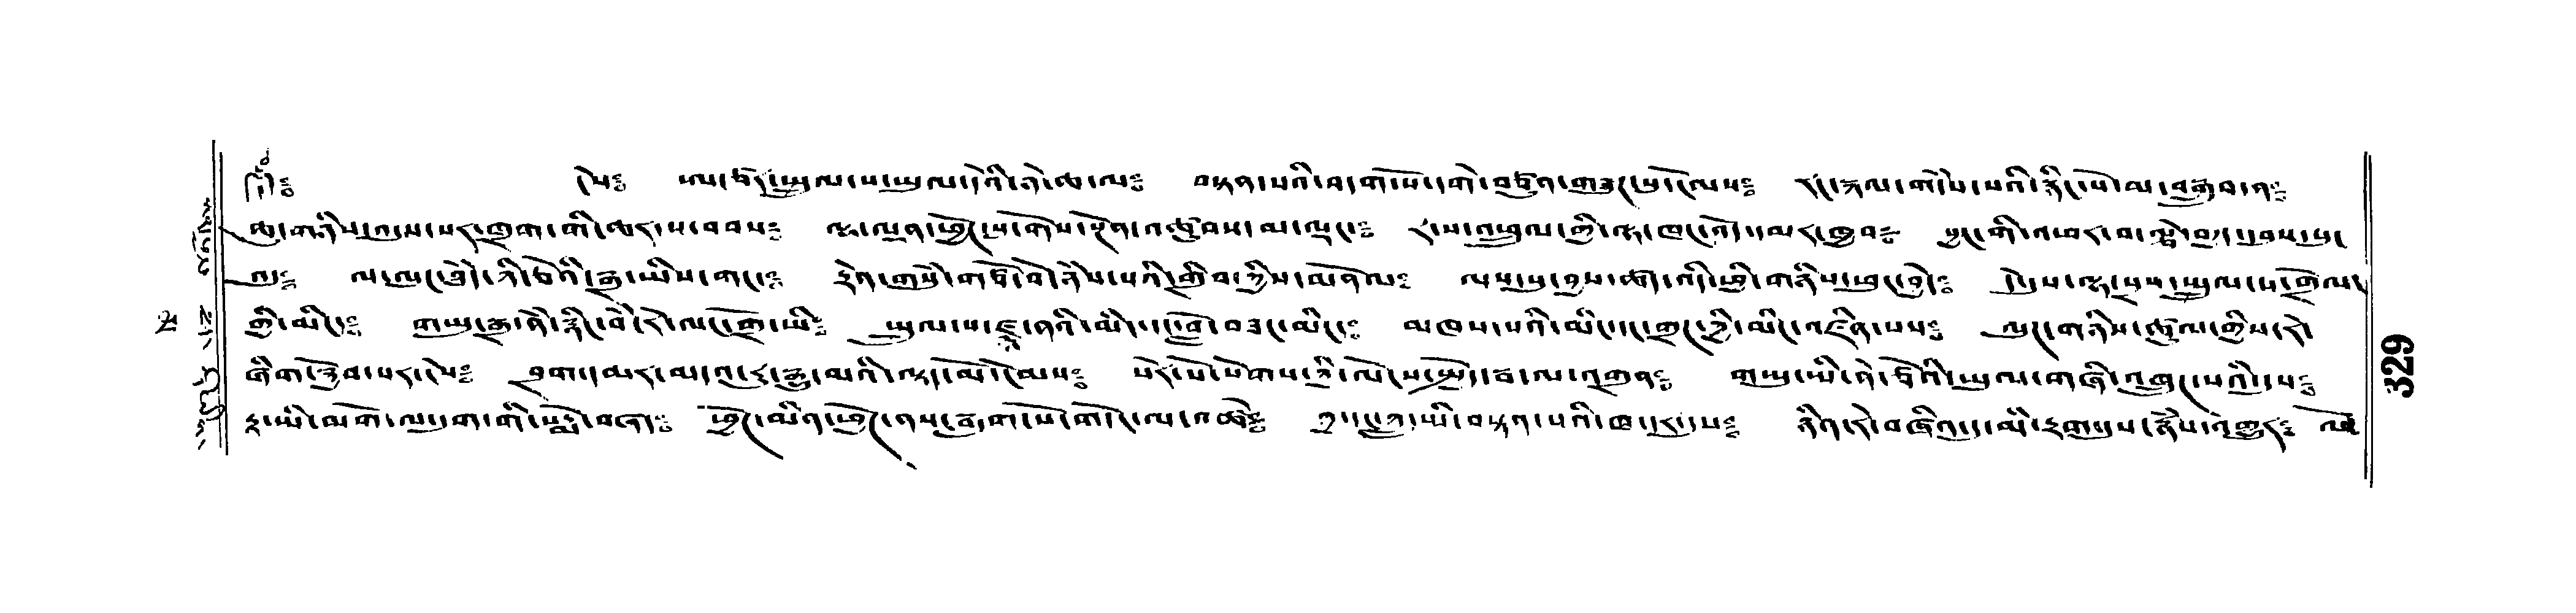ངེས༔ ཨ་ཙར་སྤྲུལ་པ་ཡུལ་དེའི་ཉེ་ཆ་ལ༔ བསྟན་པའི་བདག་པོ་དགེ་བཙུན་གཟུགས་སུ་ངོམས༔ རང་སྐལ་གདམས་པའི་སྙིང་པོ་མ་བསྒྲུབ་ན༔ 
ཆུ་གཉིས་འདུས་སར་ཁྲག་གི་ཆར་པ་འབབ༔ ལྷ་ལྡན་ཕྱོགས་སུ་གོས་སྔོན་འཚུབ་མ་ལྡང༔ ར་ས་འཕྲུལ་གྱི་ལྷ་ཁང་འོད་དམར་ཁྱབ༔ བྱང་གི་འཕར་བ་ལྕེ་བརྒྱད་དབུས་སུ་
འདུ༔ ལ་ལུང་ཐམས་ཅད་ཀི་ཅོའི་སྒྲ་ཡིས་གང༔ རྟེན་གསུམ་གཙོ་བོ་ཉམས་པའི་གྲིབ་ཀྱིས་མནོལ༔ ལས་སུ་བྱས་ཚད་འདི་ཕྱི་གཉིས་འཕུང་བྱེད༔ དེ་དུས་ལྷ་སྲས་སྤྲུལ་པ་གྲོལ་
གྱི་མིང༔ གཡུ་སྒྲ་ནམ་སྙིང་བཻ་རོ་ལང་གྲོ་ཡི༔ སྤྲུལ་པ་ཛྙཱ་ནའི་མིང་དང་བློ་བཟང་མིང༔ མཁས་པའི་མིང་དང་གྲགས་ཀྱི་མིང་འཛིན་པས༔ ལུགས་གཉིས་ཚུལ་གྱིས་རེ་
ཞིག་སྐྱོབ་པར་ངེས༔ བྲག་དམར་མདའ་རུ་སྒྱུ་མའི་ལྟད་མོ་ངོམས༔ སེར་པོ་སོགས་ཀྱི་ལོངས་སྤྱོད་སྦ་ལ་འགྲན༔ གཡུ་ཡི་ནེ་ཙོའི་ཡུལ་གཞི་འཁྲུགས་པའི་དུས༔ 
རྟ་ཡི་མགོ་ལ་དུག་གི་པདྨོ་བཞད༔ ཕྱོགས་མིན་ཕྱོགས་ནས་སྨུག་པོ་གདོང་ལ་འཚེ༔ ཀྱ་དང་ཀླ་ཡིས་བསྟན་པའི་ཁ་དར་དུས༔ ཉིན་རེ་བཞིན་དུ་མི་རྟག་དུས་རྣམས་འགྱུར༔ ལོ་